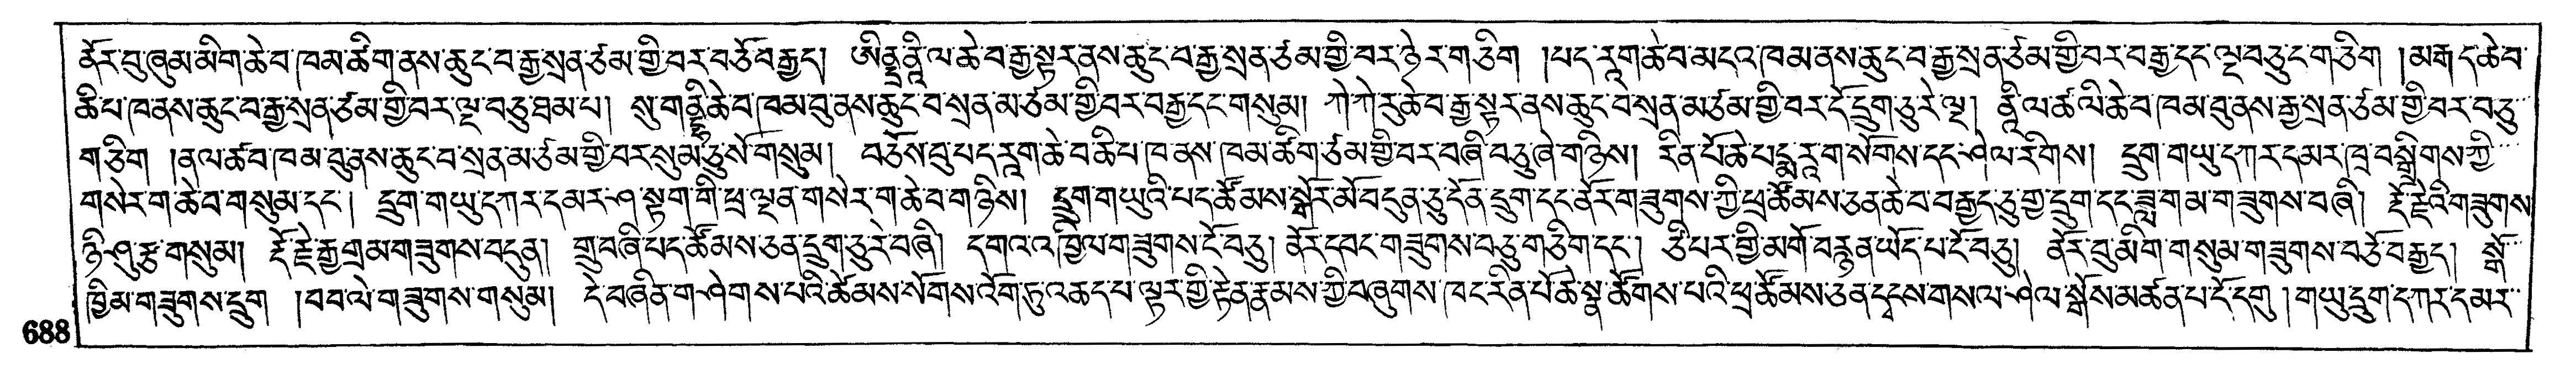ནོར་བུ་ཞུམ་མིག་ཆེ་བ་ཁམ་ཚིག་ནས་ཆུང་བ་རྒྱ་སྲན་ཙམ་གྱི་བར་བཅོ་བརྒྱད། ཨིནྡྲ་ནཱི་ལ་ཆེ་བ་རྒྱ་སྟར་ནས་ཆུང་བརྒྱ་སྲན་ཙམ་གྱི་བར་ཉེར་གཅིག །པད་རཱག་ཆེ་བ་མངའ་ཁམ་ནས་ཆུང་བ་རྒྱ་སྲན་ཙམ་གྱི་བར་བརྒྱ་དང་ལྔ་བཅུ་ང་གཅིག །མྲྒད་ཆེ་བ་
ཆི་པ་ཁ་ནས་ཆུང་བ་རྒྱ་སྲན་ཙམ་གྱི་བར་ལྔ་བཅུ་ཐམ་པ། སུ་གནྡྷི་ཆེ་བ་ཁམ་བུ་ནས་ཆུང་བ་སྲན་མ་ཙམ་གྱི་བར་བརྒྱ་དང་གསུམ། ཀེ་ཀེ་རུ་ཆེ་བ་རྒྱ་སྟར་ནས་ཆུང་བ་སྲན་མ་ཙམ་གྱི་བར་ངོ་དྲུག་ཅུ་རེ་ལྔ། ནཱི་ལ་ཚ་ལི་ཆེ་བ་ཁམ་བུ་ནས་རྒྱ་སྲན་ཙམ་གྱི་བར་བཅུ་
གཅིག །ནལ་ཆེ་བ་ཁམ་བུ་ནས་ཆུང་བ་སྲན་མ་ཙམ་གྱི་བར་སུམ་ཅུ་སོ་གསུམ། བཅོས་བུ་པད་རཱ་ག་ཆེ་བ་ཆི་པ་ཁ་ནས་ཁམ་ཆིག་ཙམ་གྱི་བར་བཞི་བཅུ་ཞེ་གཉིས། རིན་པོ་ཆེ་པདམ་རཱ་ག་སོགས་དང་ཤེལ་རིགས། དྲུག་གཡུ་དཀར་དམར་ཁྲ་བསྒྲིགས་ཀྱི་
གསེར་ག་ཆེ་བ་གསུམ་དང་། དྲུག་གཡུ་དཀར་དམར་ཤ་སྟག་གི་ཕྲ་ལྡན་གསེར་ག་ཆེ་བ་གཉིས། དྲུག་གཡུའི་པད་ཚོམས་སྒོར་མོ་བདུན་ཅུ་དོན་དྲུག་དང་ནོར་གཟུགས་ཀྱི་ཕྲ་ཚོམས་ཅན་ཆེ་བ་བརྒྱད་ཅུ་གྱ་དྲུག་དང་ཟླ་གམ་གཟུགས་བཞི། རྡོ་རྗེའི་གཟུགས་
ཉི་ཤུ་རྩ་གསུམ། རྡོ་རྗེ་རྒྱ་གྲམ་གཟུགས་བདུན། གྲུ་བཞི་པད་ཚོམས་ཅན་དྲུག་ཅུ་རེ་བཞི། དགའ་འཁྱིལ་གཟུགས་ངོ་བཅུ། ནོར་དབང་གཟུགས་བཅུ་གཅིག་དང་། ཅི་པར་གྱི་མགོ་བརྙན་ཡོད་པ་ངོ་བཅུ། ནོར་བུ་མིག་གསུམ་གཟུགས་བཅོ་བརྒྱད། སྐོ་
ཁྱིམ་གཟུགས་དྲུག །བབ་ལེ་གཟུགས་གསུམ། དེ་བཞིན་གཤེགས་པའི་ཚེམས་སོགས་འོག་ཏུ་འཆད་པ་ལྟར་གྱི་རྟེན་རྣམས་ཀྱི་བཞུགས་ཁང་རིན་པོ་ཆེ་སྣ་ཚོགས་པའི་ཕྲ་ཚོམས་ཅན་དྭངས་གསལ་ཤེལ་སྒོས་མཚན་པ་དོ་དགུ །གཡུ་དྲུག་དཀར་དམར་